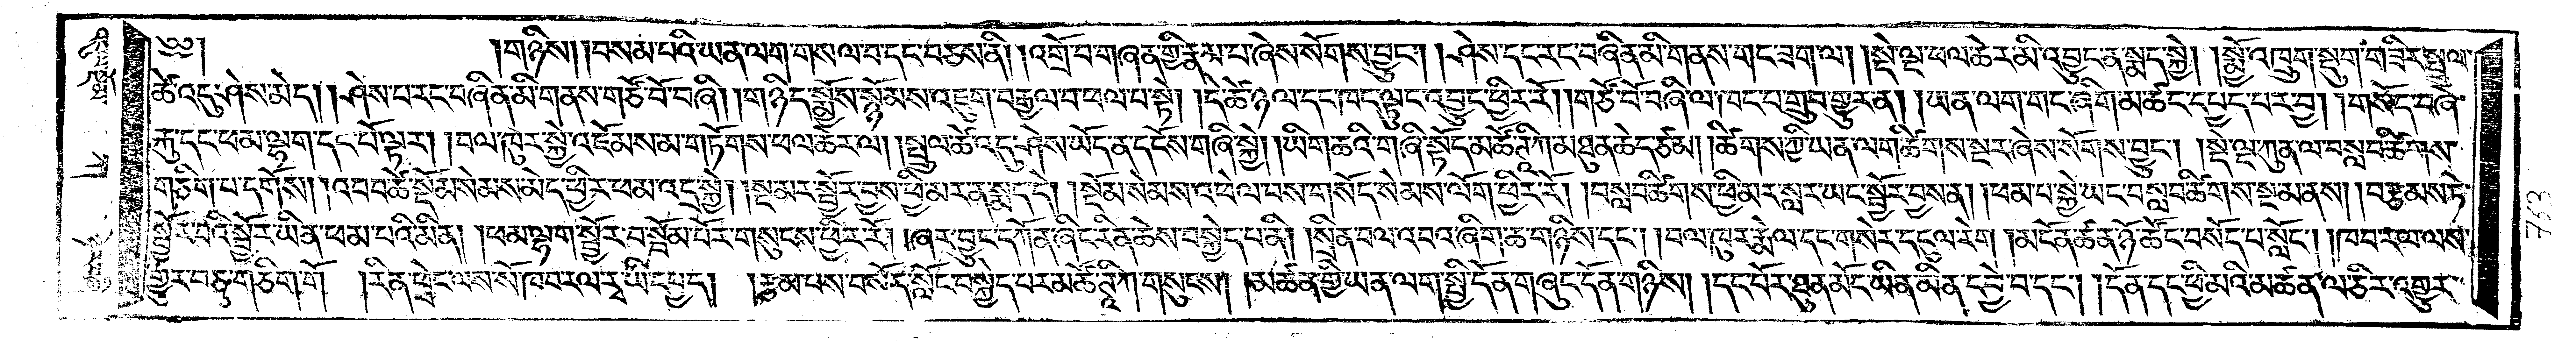༄༅། །གཉིས། །བསམ་པའི་ཡན་ལག་གསལ་བ་དང་བཅས་ནི། །འགྲོ་བ་གཞན་གྱི་རྣམ་པ་ཞེས་སོགས་བྱུང་། །ཤེས་དང་རང་བཞིན་མི་གནས་གང་ཟག་ལ། །སྡེ་ལྔ་ཕལ་ཆེར་མི་འབྱུང་ན་སྨད་སྐྱེ། །སྨྱོ་འཁྲུག་སྡུག་གཟིར་སྤྲུལ་
ཚེ་འདུ་ཤེས་མེད། །ཤེས་པ་རང་བཞིན་མི་གནས་གཙོ་བོ་བཞི། །གཉིད་སྨྱོས་སྙོམས་འཇུག་བརྒྱལ་བ་ཇལ་པ་སྟེ། །དེ་ཚེ་ཉལ་དང་ཁང་ལྟུང་འབྱུང་ཕྱིར་རོ། །གཙོ་བོ་བཞི་ལ་ཁང་པ་གྲུབ་གྱུར་ན། །ཡན་ལག་གང་ཞིག་མཚང་དཔྱད་པར་བྱ། །གསོད་བཞི་
རྐུ་དང་ཕམ་ལྷག་དང་པོ་ལྟར། །བལ་ཁུར་སྐྱེ་འཇོམས་མ་གཏོགས་ཕལ་ཆེར་ལ། །སྤྲུལ་ཚེ་འདུ་ཤེས་ཡོད་ན་དངོས་གཞི་སྐྱེ། །ཡིག་ཆའི་གཞི་སྟོད་མཚོ་ཊཱིཀ་མཐུན་ཆེད་ཙམ། །ཚིགས་ཀྱི་ཡན་ལག་ཚིགས་སྔར་ཞེས་སོགས་བྱུང་། །སྡེ་ལྔ་ཀུན་ལ་བསླབ་ཚིགས་
གཅིག་པ་དགོས། །འབབ་ཚེ་སྡོམ་སེམས་མེད་ཕྱིར་ཕམ་འདྲ་སྐྱེ། །སྔ་མར་སྦྱོར་བྱས་ཕྱི་མར་ན་སྨད་དེ། །སྡོམ་སེམས་འཕེལ་བས་གསོད་སེམས་ལོག་ཕྱིར་རོ། །བསླབ་ཚིགས་ཕྱི་མར་སླར་ཡང་སྦྱོར་བྱས་ན། །ཕམ་པ་སྐྱེ་ཡང་བསླབ་ཚིགས་སྔ་མ་ནས། །བརྩམས་ཏེ་
སྦྱོར་བའི་སྦྱོར་ཡིན་ཕམ་པའི་མིན། །ཕམ་ལྷག་སྦྱོར་བ་སྦོམ་པོར་གསུངས་ཕྱིར་རོ། །ཞར་བྱུང་དཀོན་ཞིང་རིན་ཆེས་བསྐྱེད་པ་ནི། །སྲིན་བ་ལ་འབའ་ཞིག་ཆ་གཉིས་དང་། །བལ་ཁུར་རྨེལ་དང་གསེར་དངུལ་རེག །མངོན་ཚན་ཉོ་ཚོང་བསོད་པ་སློང་། །ཁབ་རལ་ལས་
གྱུར་བཅུ་གཅིག་གོ །རིན་ཕྲེང་ལས་སོ་ཁབ་རལ་རྭ་ཡི་དཔྱད། །རྩམ་བས་བསོད་སློང་བསྐྱེད་པར་མཚོ་ཊཱིཀ་གསུངས། །མཚན་གྱི་ཡན་ལག་སྤྱི་དོན་གཞུང་དོན་གཉིས། །དང་པོར་ཐུན་མོང་ཡིན་མིན་དབྱེ་བ་དང་། །དོན་དང་ཕྱི་མའི་མཚན་ལ་ཅིར་འགྱུར་